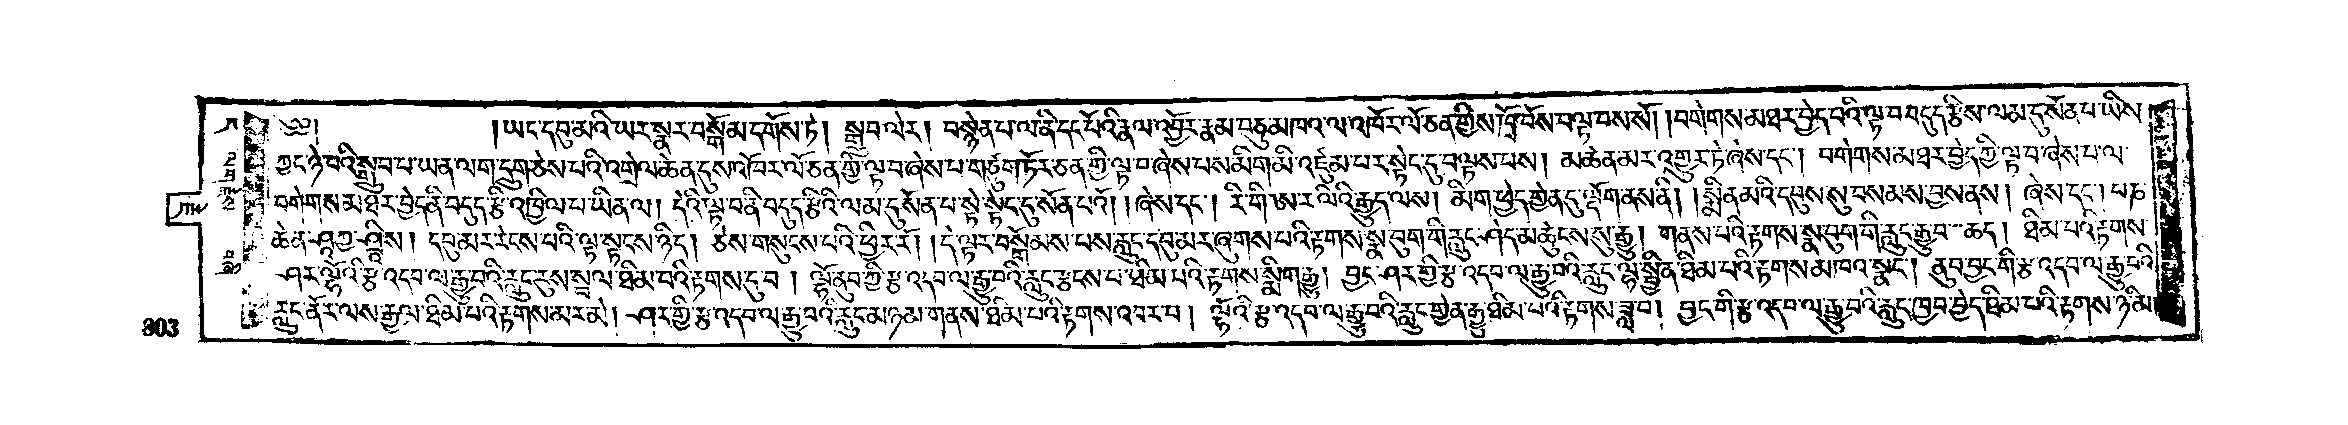༄༅། །ཡང་དབུ་མའི་ཡར་སྣར་བསྒོམ་དགོས་ཏེ། སྒྲུབ་ལེར། བསྙེན་པ་ལ་ནི་དང་པོའི་རྣལ་འབྱོར་རྣམ་བཅུ་མཁའ་ལ་འཁོར་ལོ་ཅན་གྱིས་ཁྲོ་བོས་བལྟ་བས་སོ། །བགེགས་མཐར་བྱེད་པའི་ལྟ་བ་བདུད་རྩིས་ལམ་དུ་སོན་པ་ཡིས་
ཀྱང་ཉེ་བའི་སྒྲུབ་པ་ཡན་ལག་དྲུག་ཅེས་པའི་འགྲེལ་ཆེན་དུས་འཁོར་ལོ་ཅན་གྱི་ལྟ་བ་ཞེས་པ་གཙུག་ཏོར་ཅན་གྱི་ལྟ་བ་ཞེས་པས་མིག་མི་འཛུམ་པར་སྟེང་དུ་བལྟས་པས། མཚན་མར་འགྱུར་ཏེ་ཞེས་དང་། བགེགས་མཐར་བྱེད་ཀྱི་ལྟ་བ་ཞེས་པ་ལ་
བགེགས་མཐར་བྱེད་ནི་བདུད་རྩི་འཁྱིལ་པ་ཡིན་ལ། དེའི་ལྟ་བ་ནི་བདུད་རྩིའི་ལམ་དུ་སོན་པ་སྟེ་སྟེང་དུ་སོན་པའོ། །ཞེས་དང་། རི་གི་ཨ་ར་ལིའི་རྒྱུད་ལས། མིག་ཕྱེད་གྱེན་དུ་ལྡོག་ནས་ནི། །སྨིན་མའི་དབུས་སུ་བསམས་བྱས་ནས། ཞེས་དང་། པཎ་
ཆེན་ཤཱཀྱ་ཤྲཱིས། དབུ་མར་རེངས་པའི་ལྟ་སྟངས་ཉིད། ཅེས་གསུངས་པའི་ཕྱིར་རོ། །དེ་ལྟར་བསྒོམས་པས་རླུང་དབུ་མར་ཞུགས་པའི་རྟགས་སྣ་བུག་ཡི་རླུང་ཤེད་མཚུངས་སུ་རྒྱུ། གནས་པའི་རྟགས་སྣ་བུག་གི་རླུང་རྒྱུ་བ་ཆད། ཐིམ་པའི་རྟགས་
ཤར་ལྷོའི་རྩ་འདབ་ལ་རྒྱུ་བའི་རླུང་རུས་སྦལ་ཐིམ་པའི་རྟགས་དུ་བ། ལྷོ་ནུབ་ཀྱི་རྩ་འདབ་ལ་རྒྱུ་བའི་རླུང་རྩངས་པ་ཐིམ་པའི་རྟགས་སྨིག་རྒྱུ། བྱང་ཤར་གྱི་རྩ་འདབ་རྒྱུ་བའི་རླུང་ལྷ་སྦྱིན་ཐིམ་པའི་རྟགས་མཁའ་སྣང་། ནུབ་བྱང་གི་རྩ་འདབ་ལ་རྒྱུ་བའི་
རླུང་ནོར་ལས་རྒྱལ་ཐིམ་པའི་རྟགས་མར་མེ། ཤར་གྱི་རྩ་འདབ་ལ་རྒྱུ་བའི་རླུང་མཉམ་གནས་ཐིམ་པའི་རྟགས་འབར་བ། ལྷོའི་རྩ་འདབ་ལ་རྒྱུ་བའི་རླུང་གྱེན་རྒྱུ་ཐིམ་པའི་རྟགས་ཟླ་བ། བྱང་གི་རྩ་འདབ་ལ་རྒྱུ་བའི་རླུང་ཁྱབ་བྱེད་ཐིམ་པའི་རྟགས་ཉི་མ་